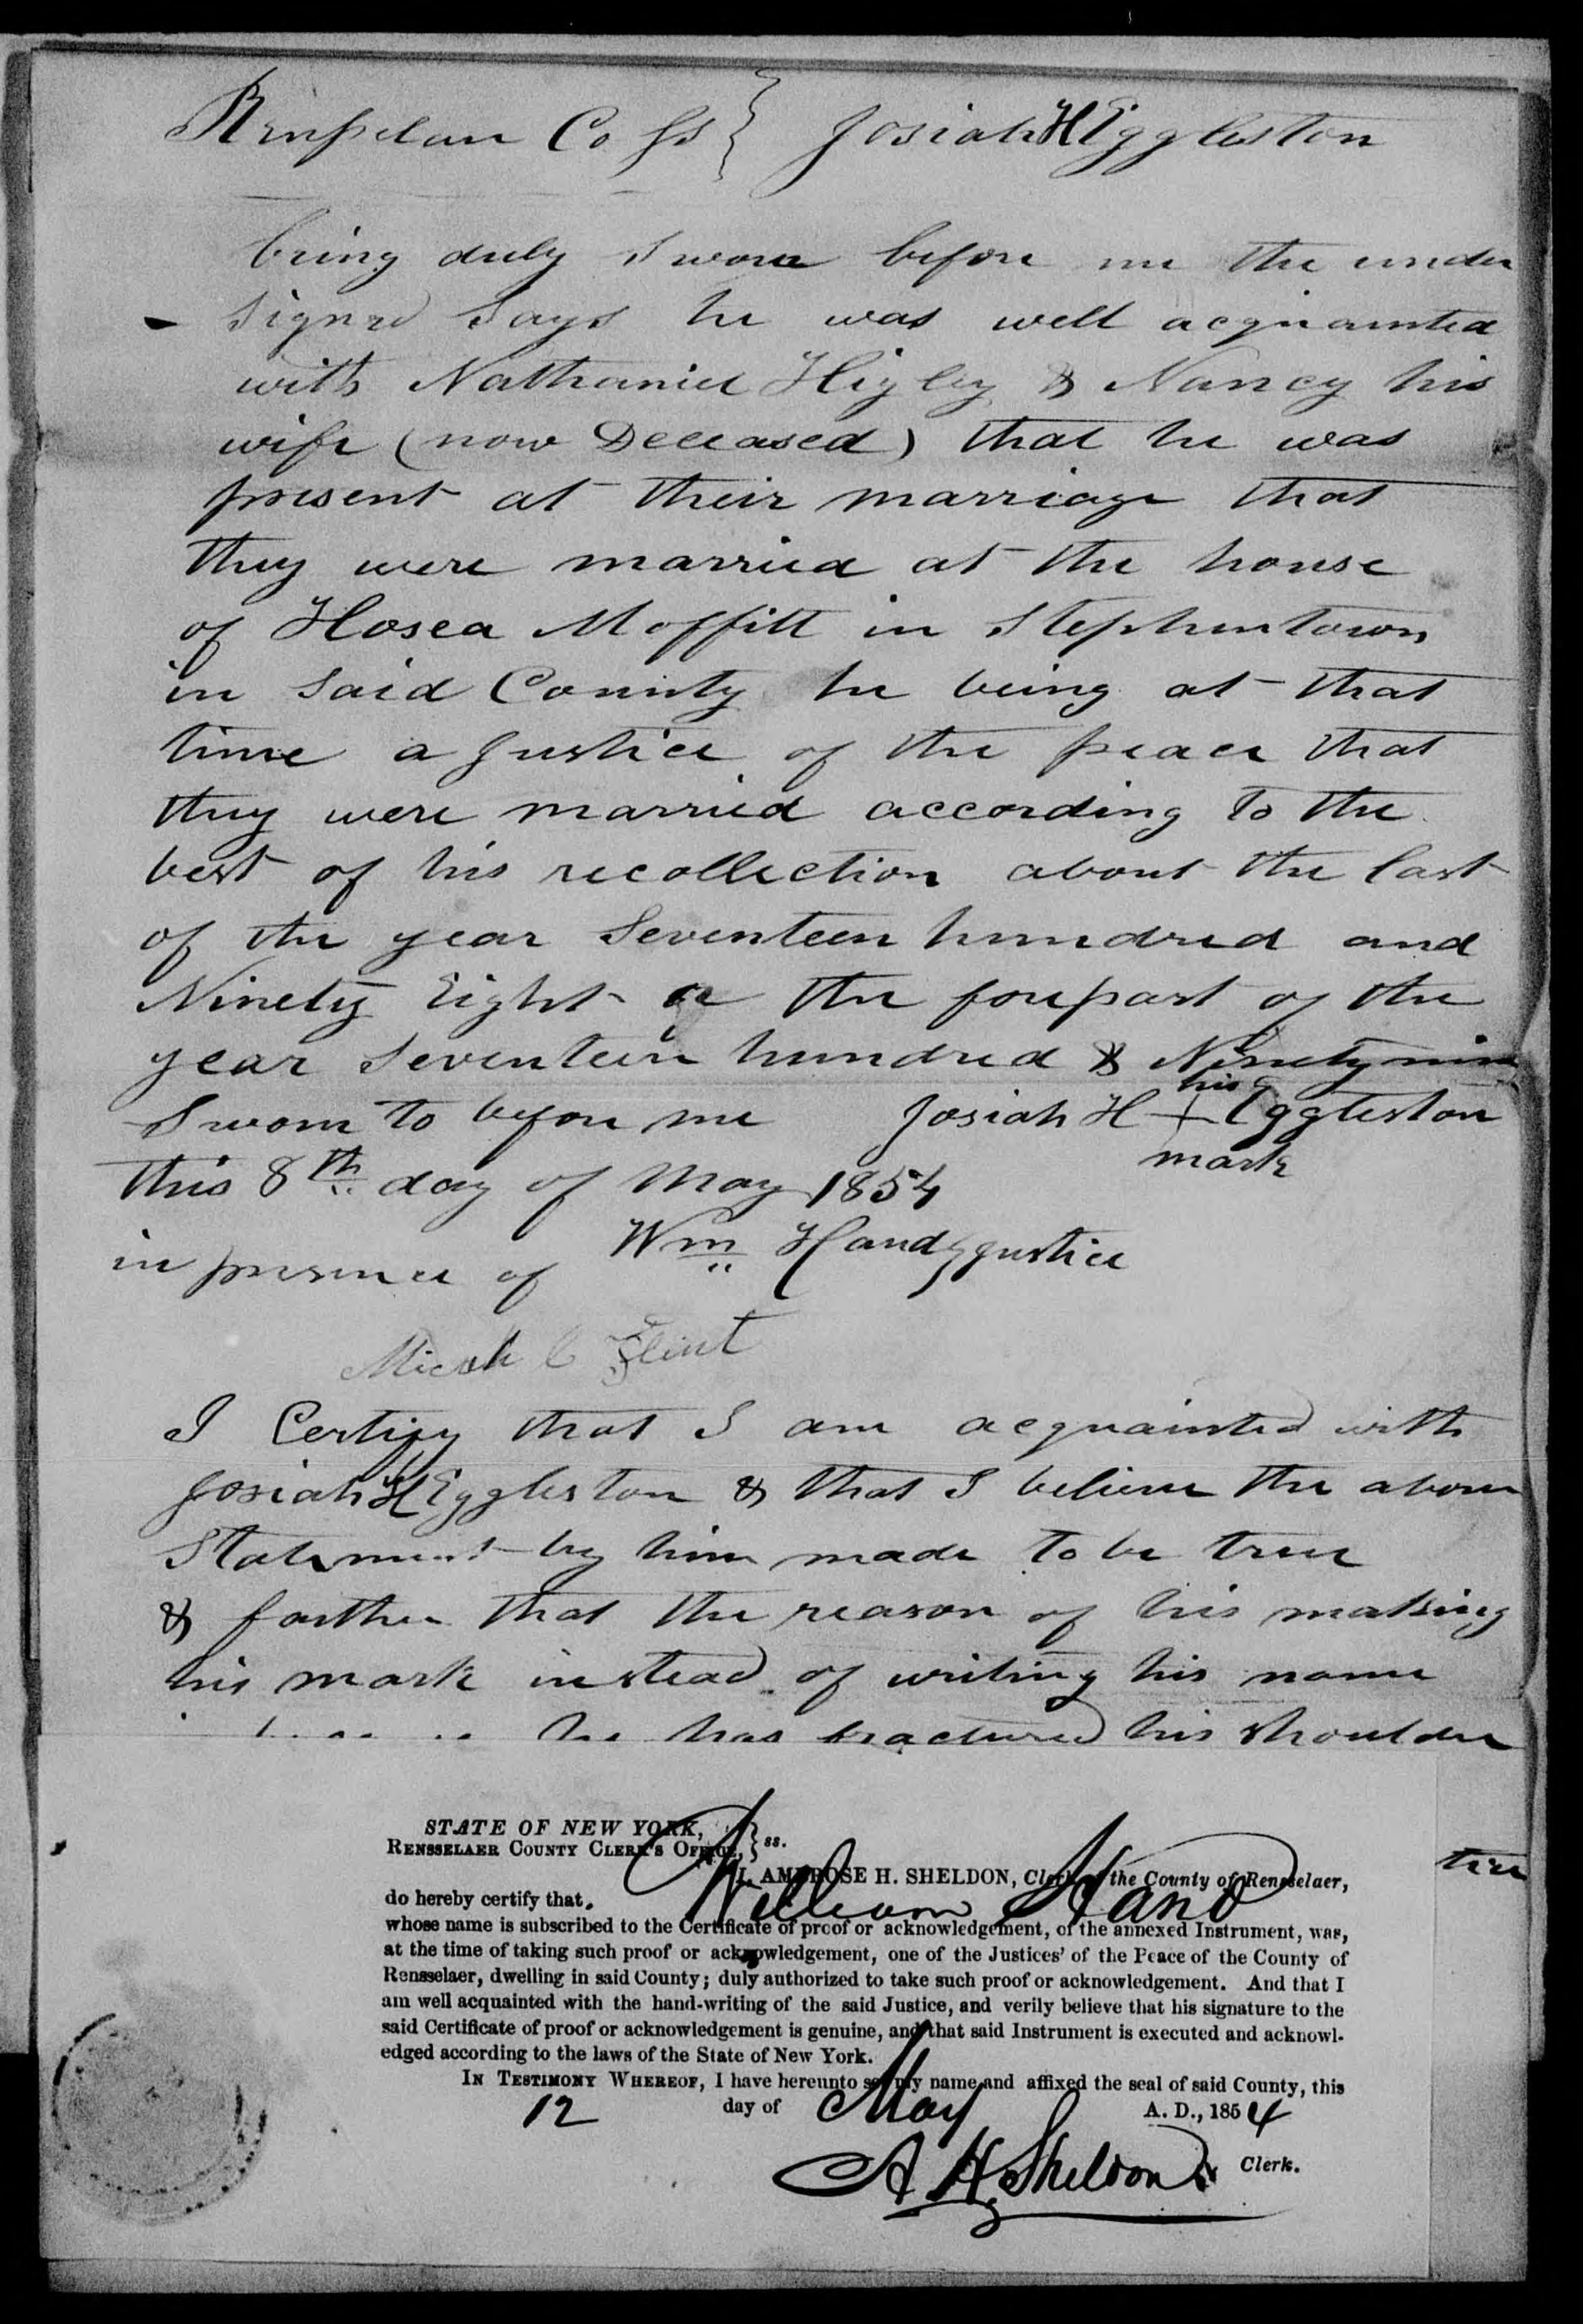Rensselaer Co ss Josiah H. Eggleston
being duly sworn before me the undersigned says he was well acquainted with Nathaniel Higley & Nancy his wife (now Deceased) that he was present at their marriage that they were married at the house of Hosea Moffitt in Stephentown, in said County he being at that time a Justice of the peace that they were married according to the best of his recollection about the last of the year seventeen hundred and Ninety Eight or the forepart of the year Seventeen hundred & Ninety Nine
X
Josiah H. Eggleston
his mark
Sworn to before me
this 8th day of May 1854
Wm Hand, Justice
in presence of 
Micah Flint
I certify that I am acquainted with Josiah H. Eggleston & that I believe the above Statement by him made to be true & further that the reason of his making his mark instead of writing his name [cut off] has fractured his shoulder
STATE OF NEW YORK
RENSSELAER COUNTY CLERK'S OFFICE
ss.
AMBROSE H. SHELDON, Clerk of the County of Rensselaer, do hereby certify that William Hand whose name is subscribed to the Certificate of proof or acknowledgement of the annexed Instrument was, at the time of taking such proof or acknowledgement, one of the Justices' of the Peace of the County of Rensselaer, dwelling in said County; duly authorized to take such proof or acknowledgement. And that I am well acquainted with the handwriting of the said Justice, and verily believe that his signature to the said Certificate of proof or acknowledgement is genuine, and that said Instrument is executed and acknowledged according to the laws of the State of New York.
IN TESTIMONY WHEREOF, I have hereunto set my name and affixed the seal of said County, this 12 day of May A.D., 1854
A. H. Sheldon, Clerk
[seal]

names: Nathaniel Higley, William Hand, Hosea Moffitt, Josiah H Eggleston, A H Sheldon, Nancy, Ambrose H Sheldon, Micah C Flint, Josiah H Eggleston, Wm Hand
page: 9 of 25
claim: rejected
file: R. 4972, Nathaniel Higby, Conn.